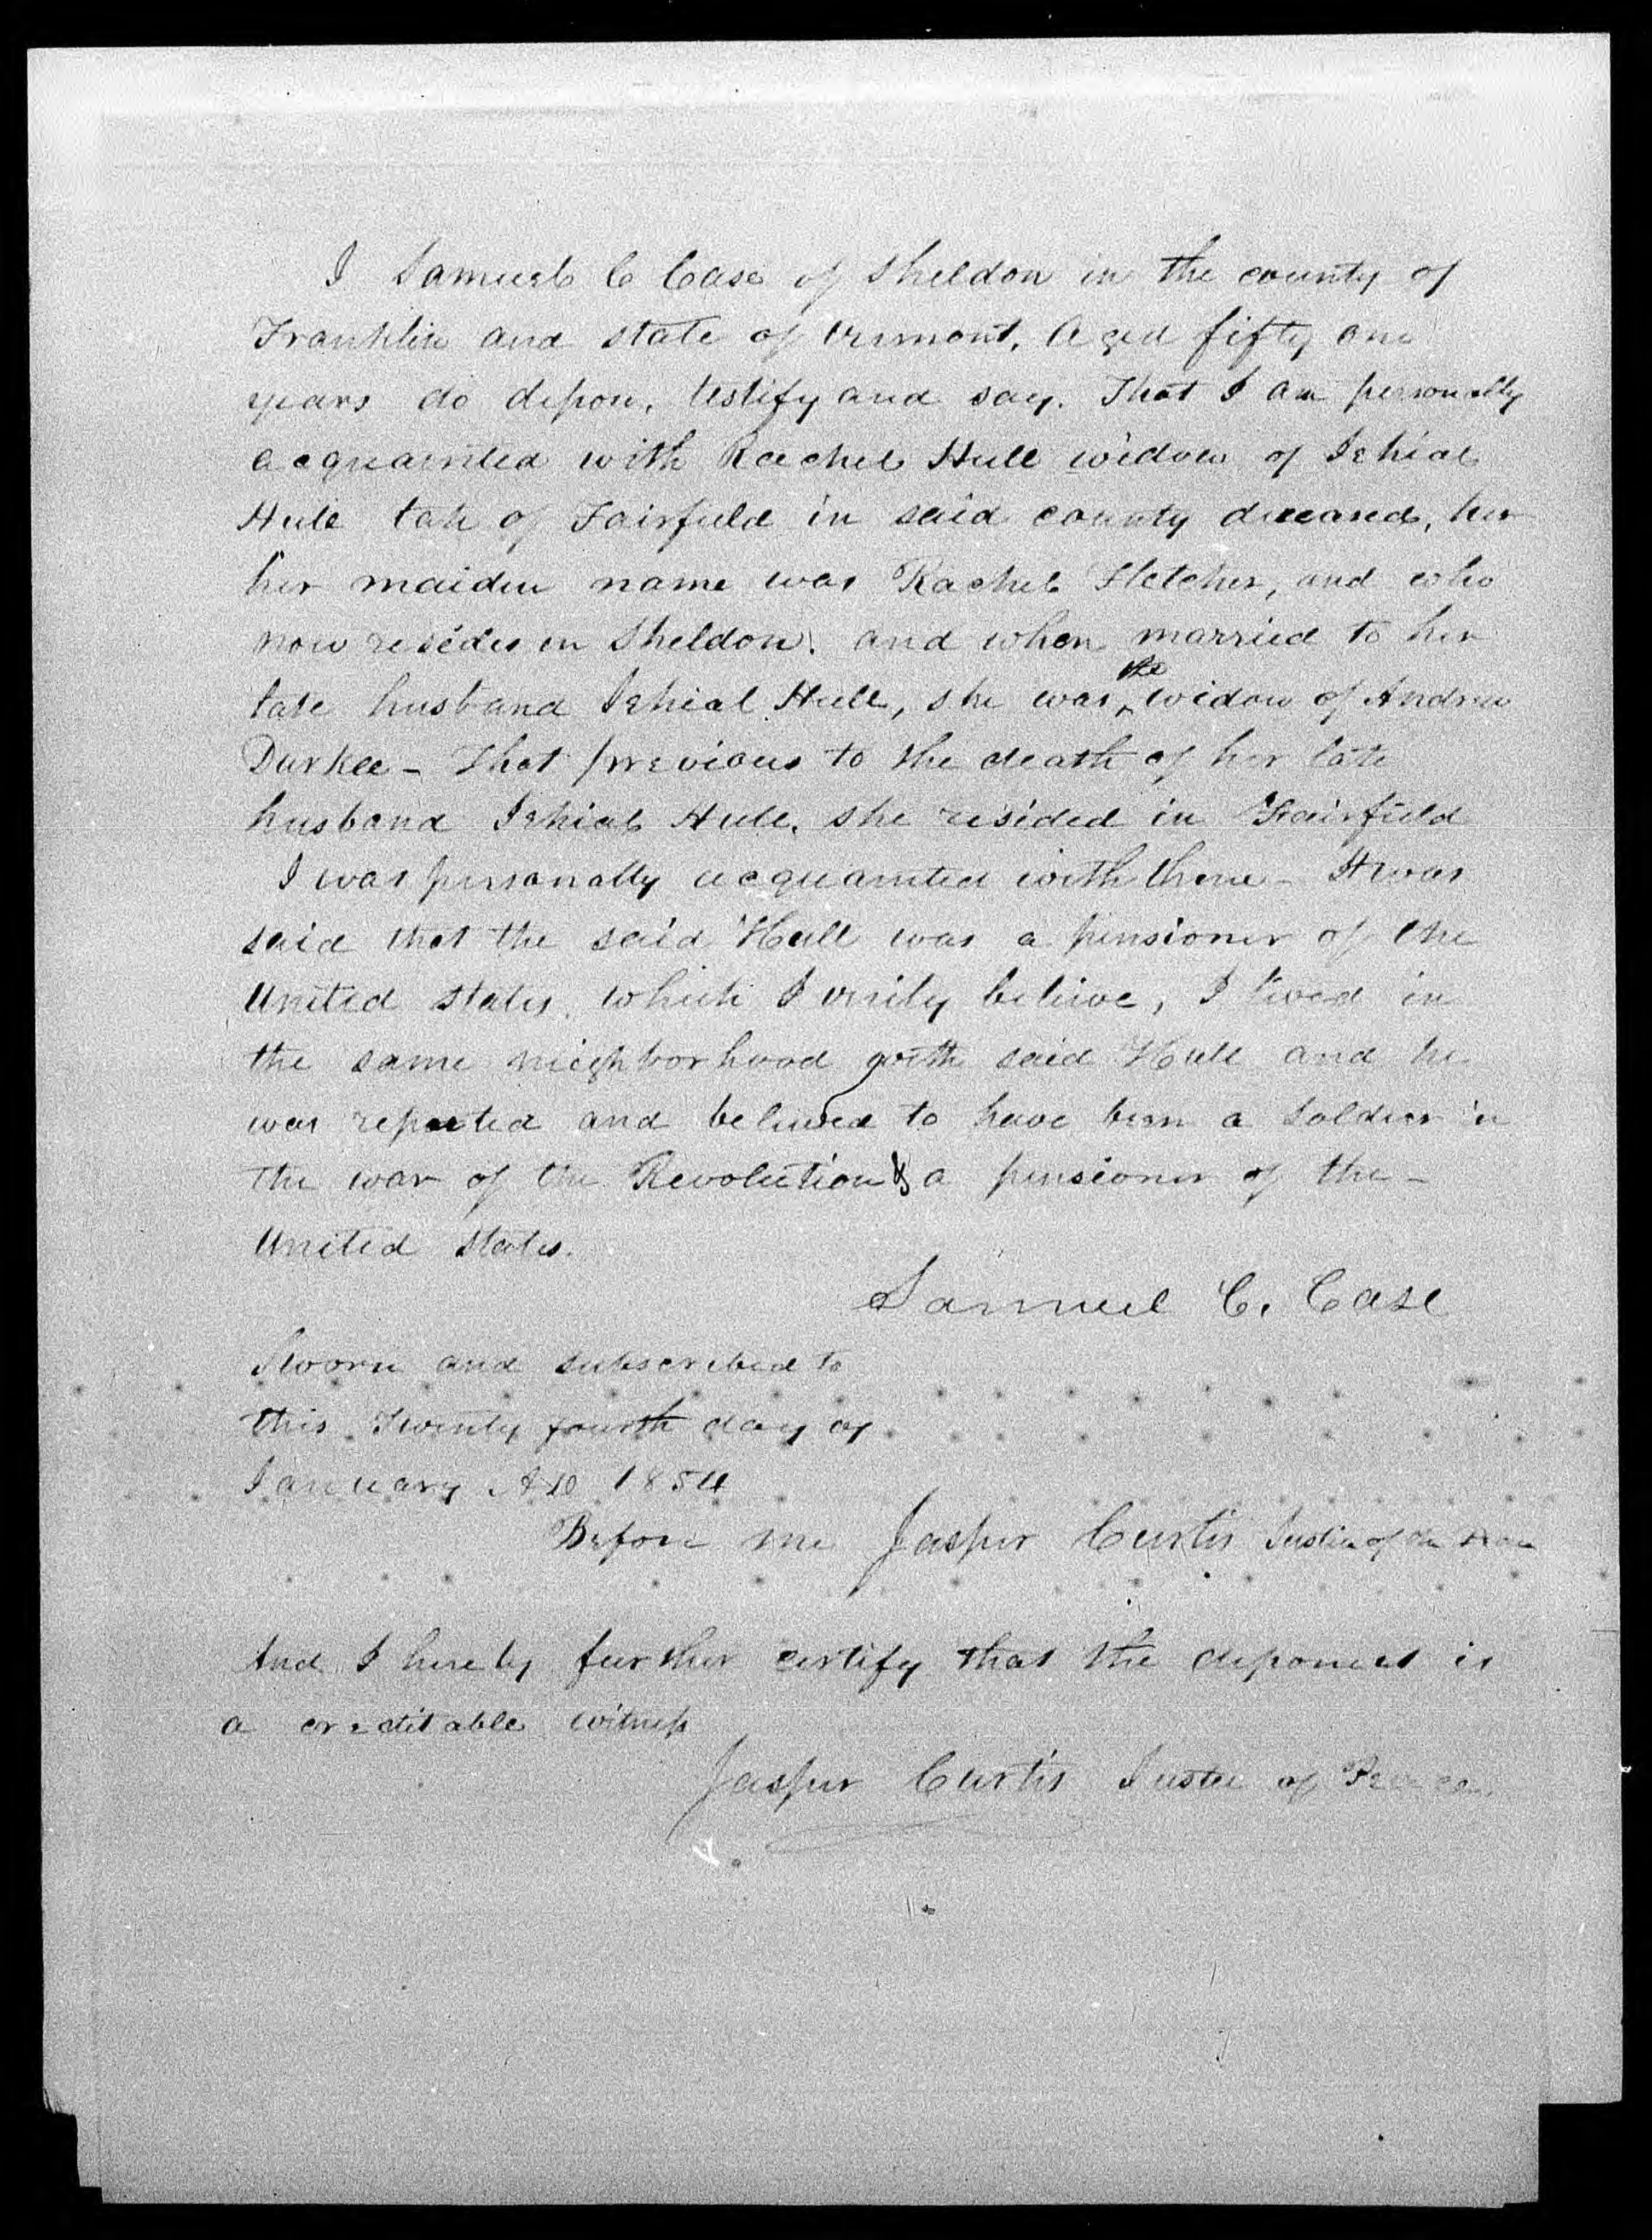I Samuel C Case of Sheldon in the cunty of Franklin and State of Vermont, aged fifty one years do depose, testify and say. That I am personally acquainted with Rachel Hull widow of Jehial Hull that of Fairfield in said county deceased, her maiden name was Rachel Fletcher, and who now resides in Sheldon, and when married to her husband Jehial Hull, she was the widow of Andrew Durkee - that previous to the death of her late husband Jehiel Hull, she resided in Fairfield. 

	I was personally acquainted with them. It was said that the said Hull was a pensioner of the United States, which I verily believe, I lived in the same neighborhood with said Hull and he was reported and believed to have been a soldier in the War of the Revolution was a pensioner of the United States.
	Samuel C. Case

Sworn and subscribed to this twenty fourth day of January A 10, 1854
Before me Jasper Curtis, Justice of the Peace
And I hereby further certify that the deposed is a creditable witness. 

Jasper Curtis, Justice of the Peace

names: Jasper Curtis, Jehial Hull, Samuel C Case, Rachel Hull, Andrew Durkee, Rachel Fletcher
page: 19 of 58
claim: widow's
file: W. 25813, Jehiel Hull, Conn.